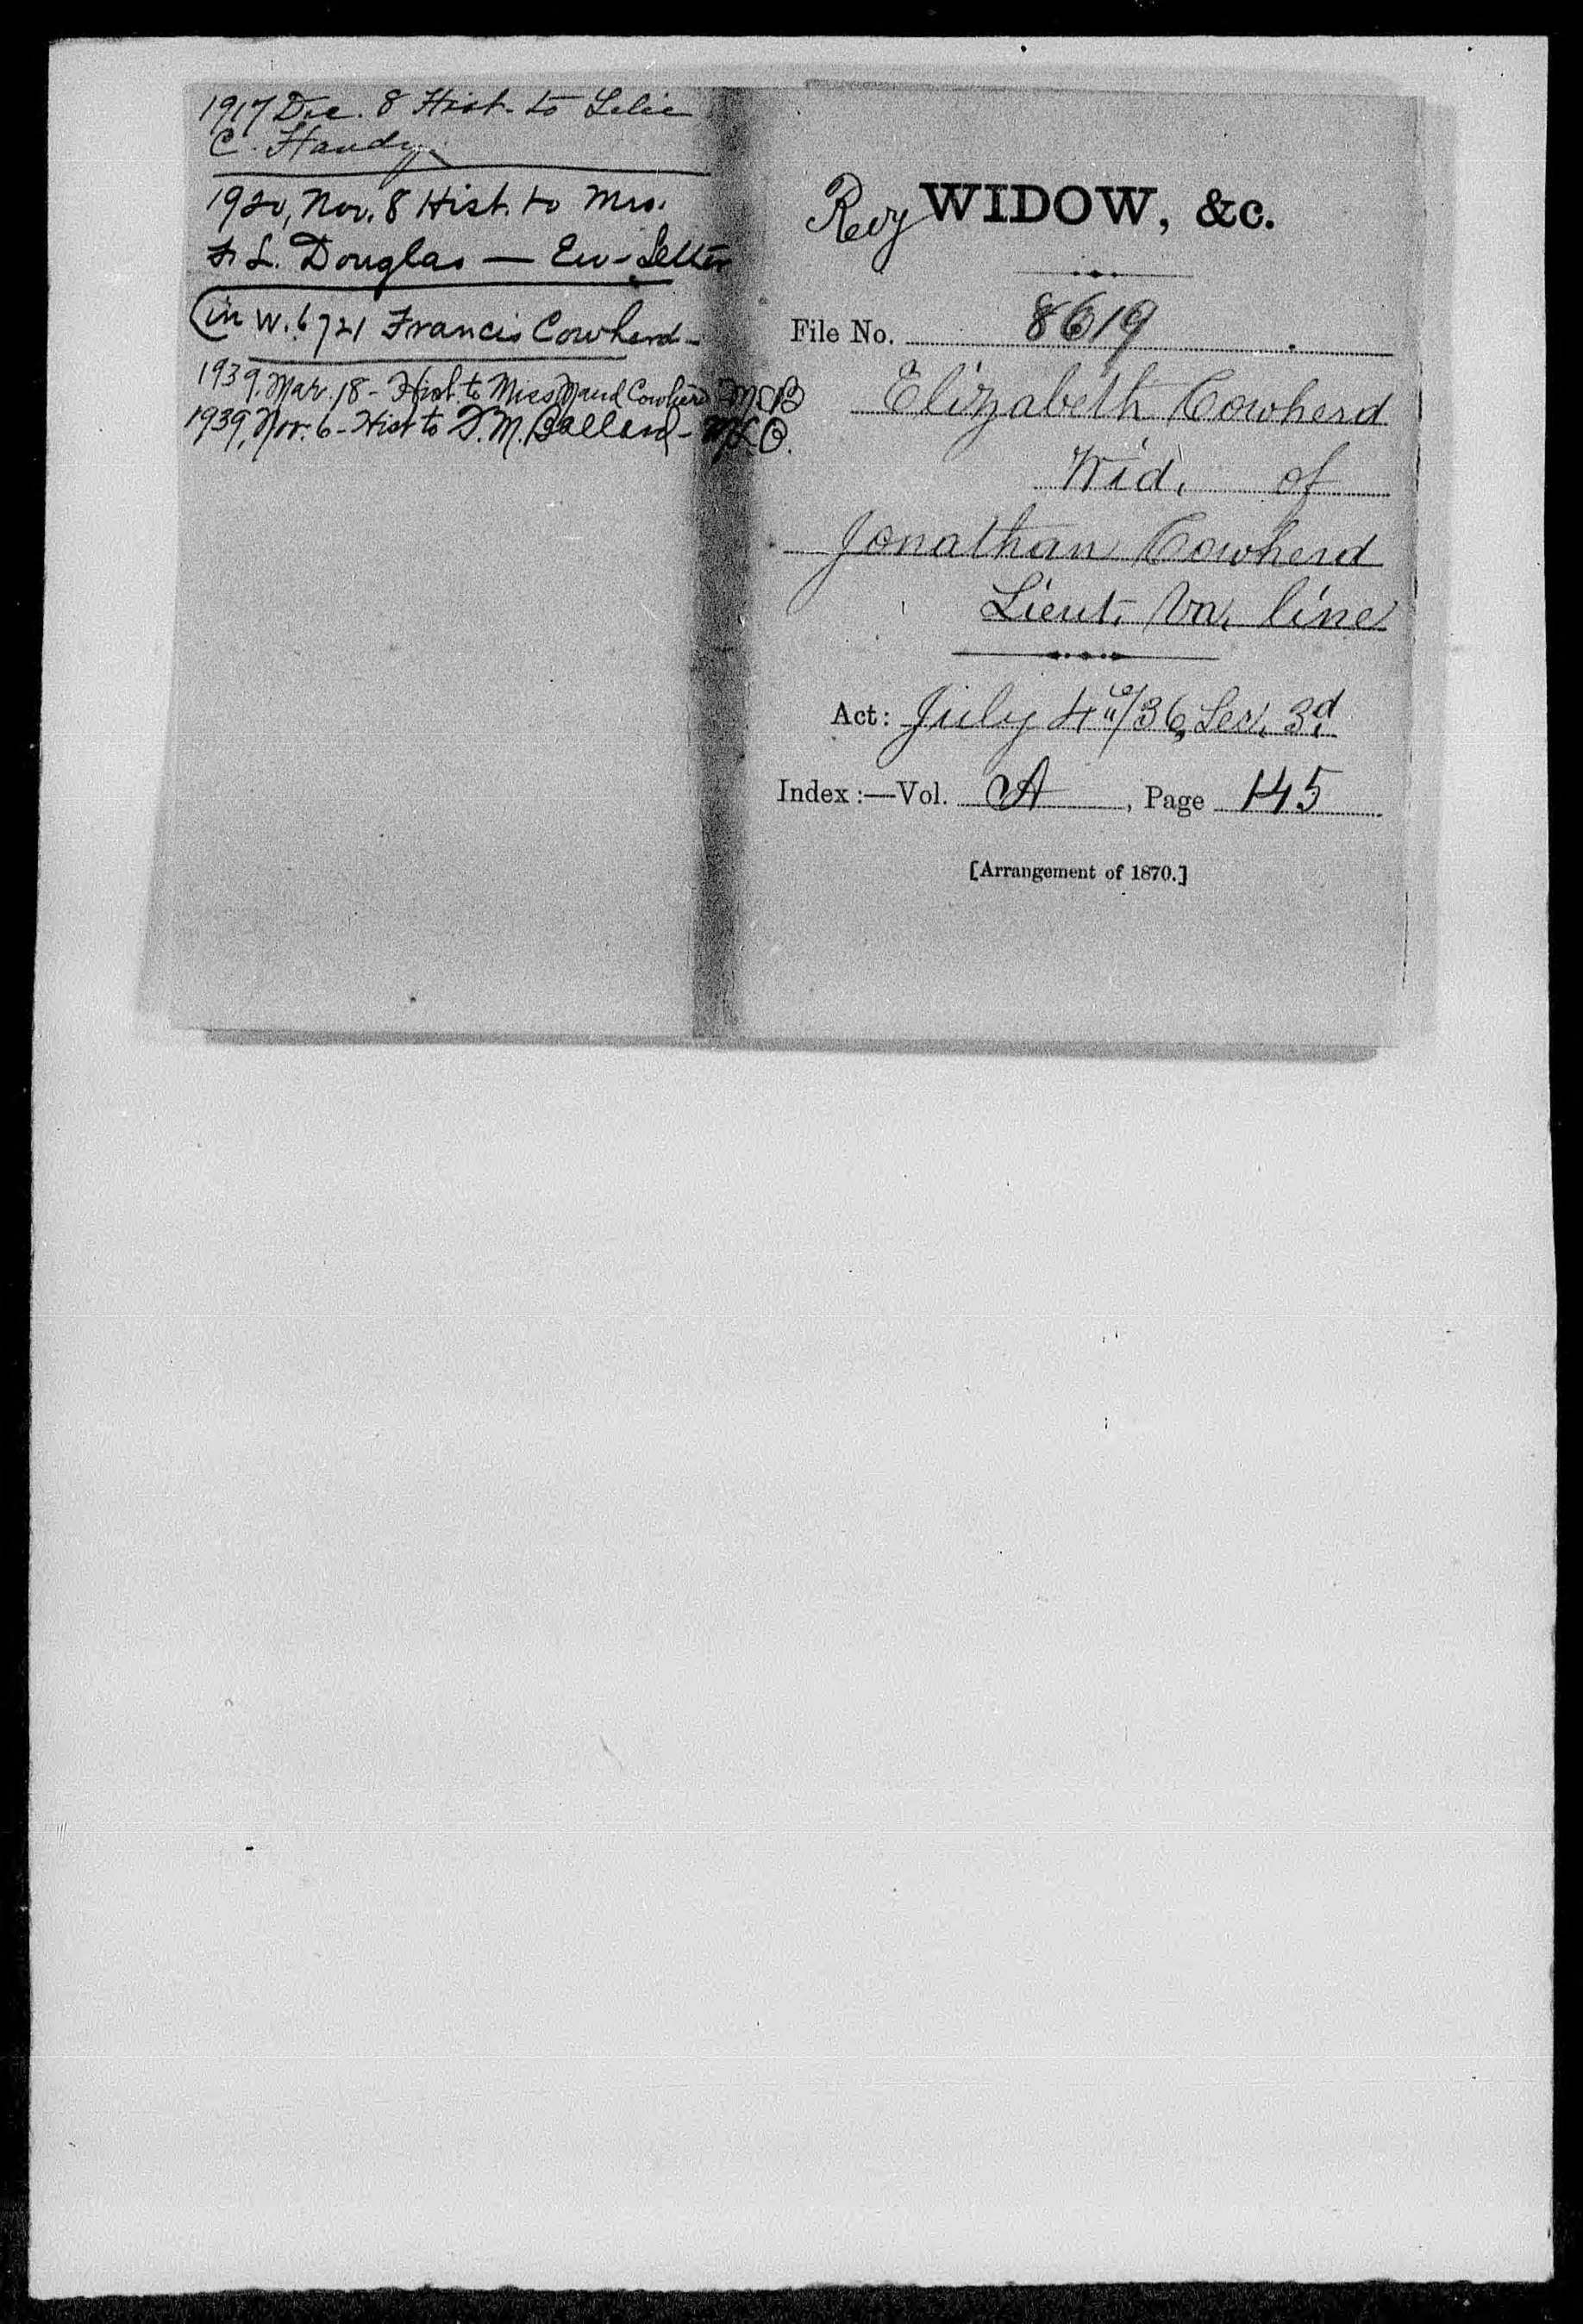1917 Dec. 8 Hist to Lelia C. Handy
1920, Nov. 8 Hist. to Mrs F. L. Douglas Ew- Letter
in W. 6721 Francis Cowherd
1939 Mar. 18 - Hist to Miss Maud Cowherd MLB
1939, Nov 6, Hist to F. M. Ballard MLB


Revy [Revolutionary]  WIDOW, &c.
File No. 8619
Elizabeth Cowherd
Wid. of
Jonathan Cowherd
Lieut, Va line
Act: July 4th / 36, 36 Lec. 3d
Index:--Vol. A, Page 145
(Arrangement of 1870.]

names: Maud Cowherd, Francis Cowherd, Elizabeth Cowherd, F L Douglas, F M Ballard, Lelie C Handy, Jonathan Cowherd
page: 43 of 46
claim: widow's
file: W 8619, Jonathan Cowherd, Va.